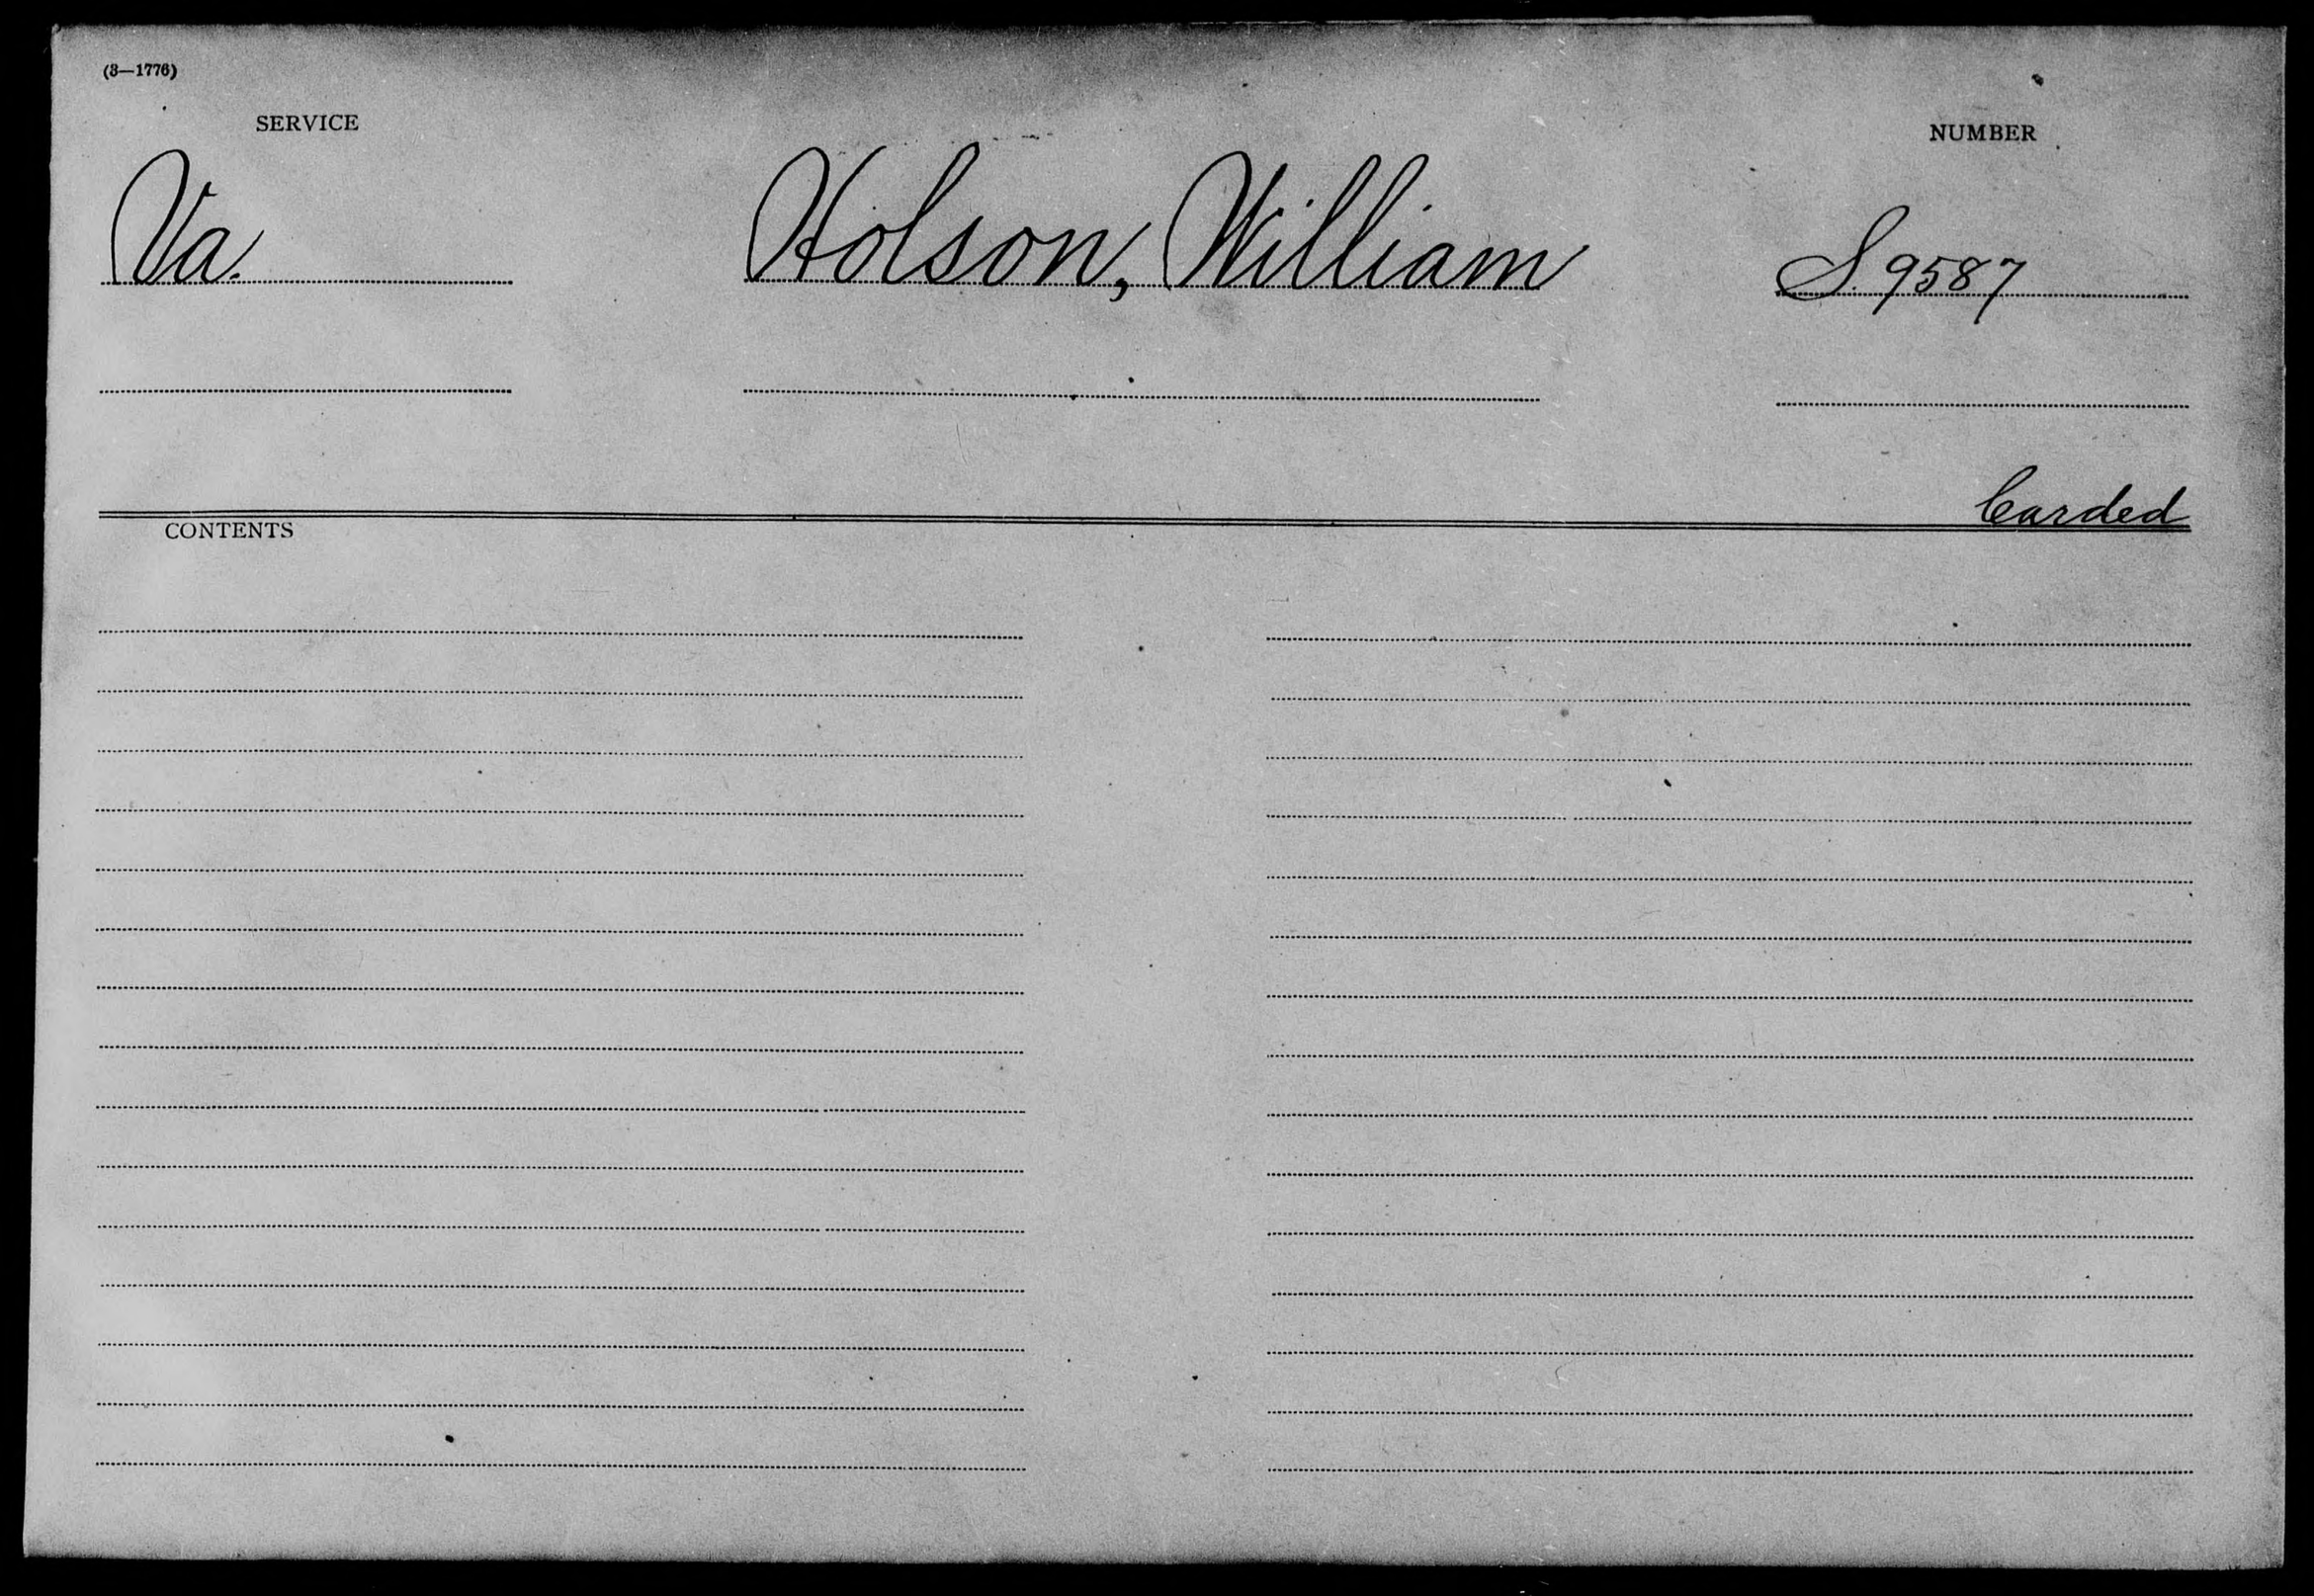SERVICE: Va.
Holson, William
NUMBER: S. 9587
Carded
CONTENTS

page: 1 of 33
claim: survivor's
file: S. 9587, William Holson, Va.